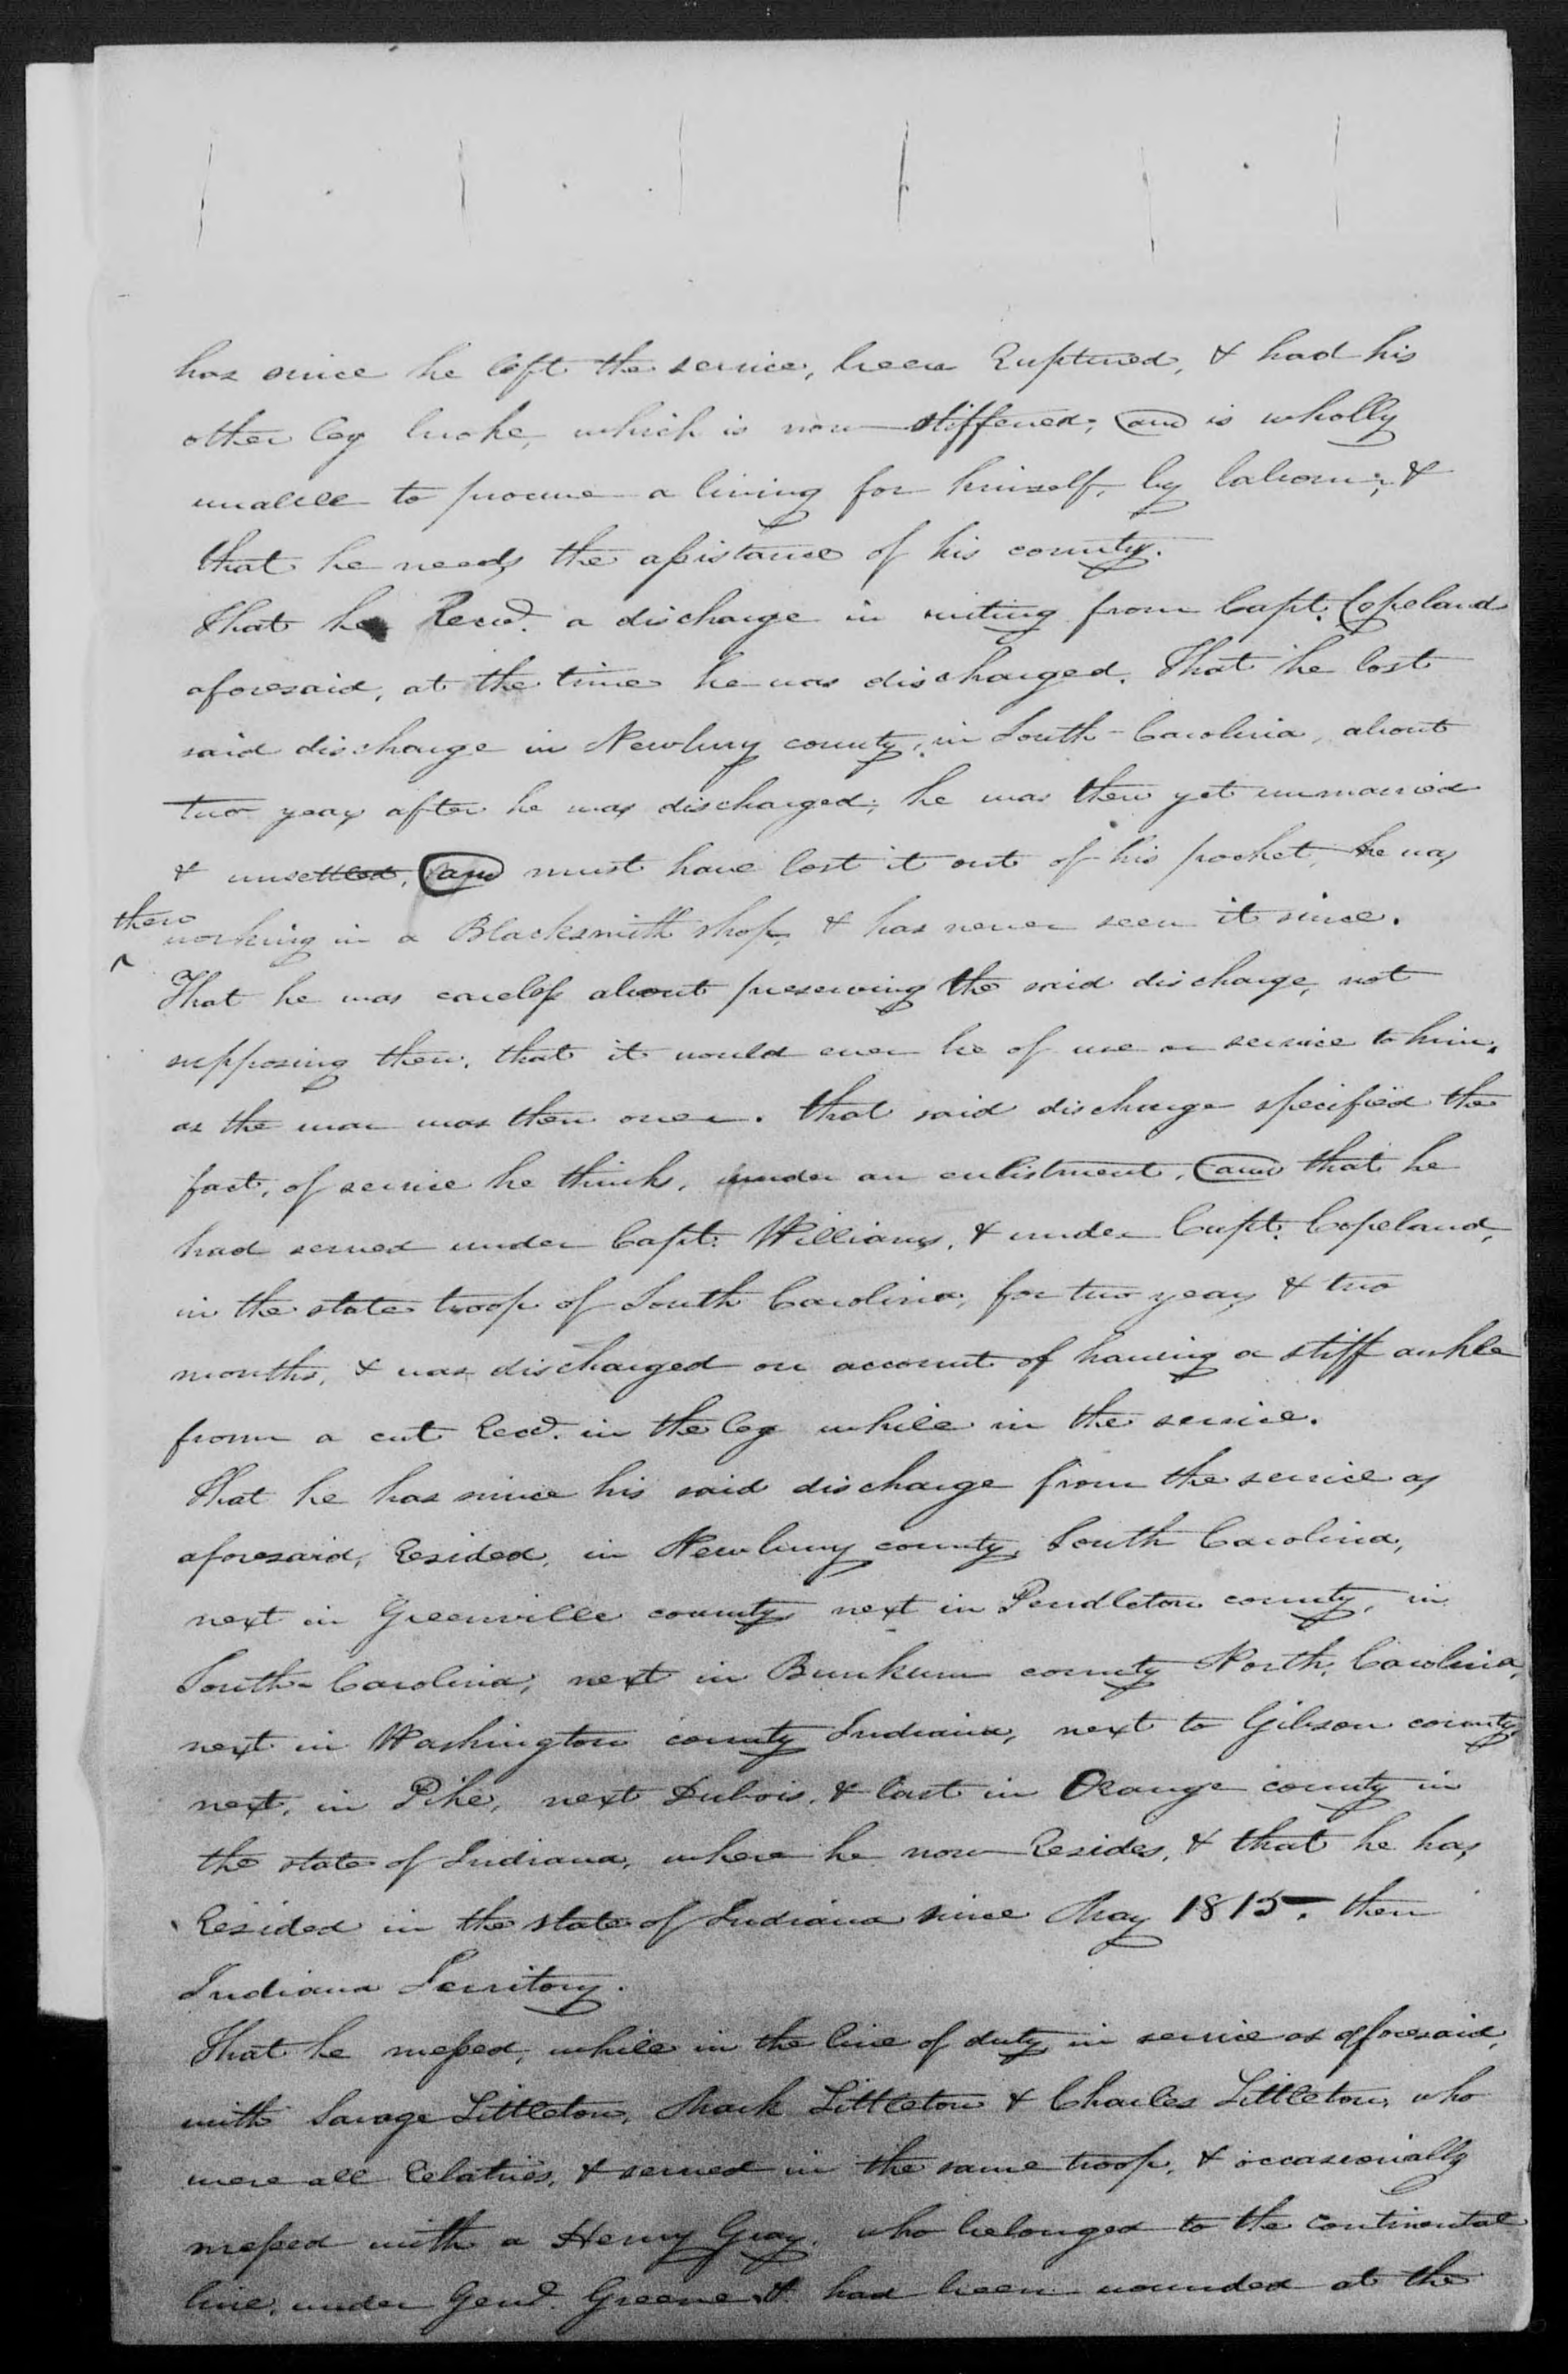has since he left the service, been ruptured & had his other leg broke which is now stiffened; and is wholly
unable to procure a living for himself by labor & that he needs the assistance of his country.
That he recd a discharge in writing from Capt [William] Copeland aforesaid, at the time he was discharged. That he lost said discharge in Newbury County in South Carolina, about two years after he was discharged; he was then yet unmarried & unsettled, and must have lost it out of his pocket. he was
working in a Blacksmith shop & has never seen it since. That he was careless about preserving the said discharge, not supposing then, that it would ever be of use or service to him
as the war was then won, that said discharge specified the
fact of service he thinks, under an enlistment, and that he had served under Capt. [John] Williams & under Capt Copeland in the states troops of South Carolina for two years & two
months, & was discharged on account of having a stiff ankle
from a cut Rec'd in the leg while in the service.
That he has since his said discharge from the service as aforesaid, resided in Newbury County, South Carolina
next in Greenville County next in Pendleton County, in South Carolina, next in Burke County North Carolina
next in Washington County Indiana, next to Gibson County. next in Pike, next Dubois, & last in Orange County in the State of Indiana, where he now resides, & that he has resided in the State of Indiana since May 1815. then
Indiana Territory.
That he messed while in the line of duty in service of aforesaid
with Savage Littleton, Shark Littleton & Charles Littleton, who were all relatives & served in the same troop, & occasionally messed with a Henry  Gray, who belonged to the continental
line under Genl [Nathanael] Greene & had been wounded at the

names: Greene, Henry Gray, Copeland, Williams, Copeland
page: 7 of 41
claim: rejected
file: R. 1309, James Brown, S.C.